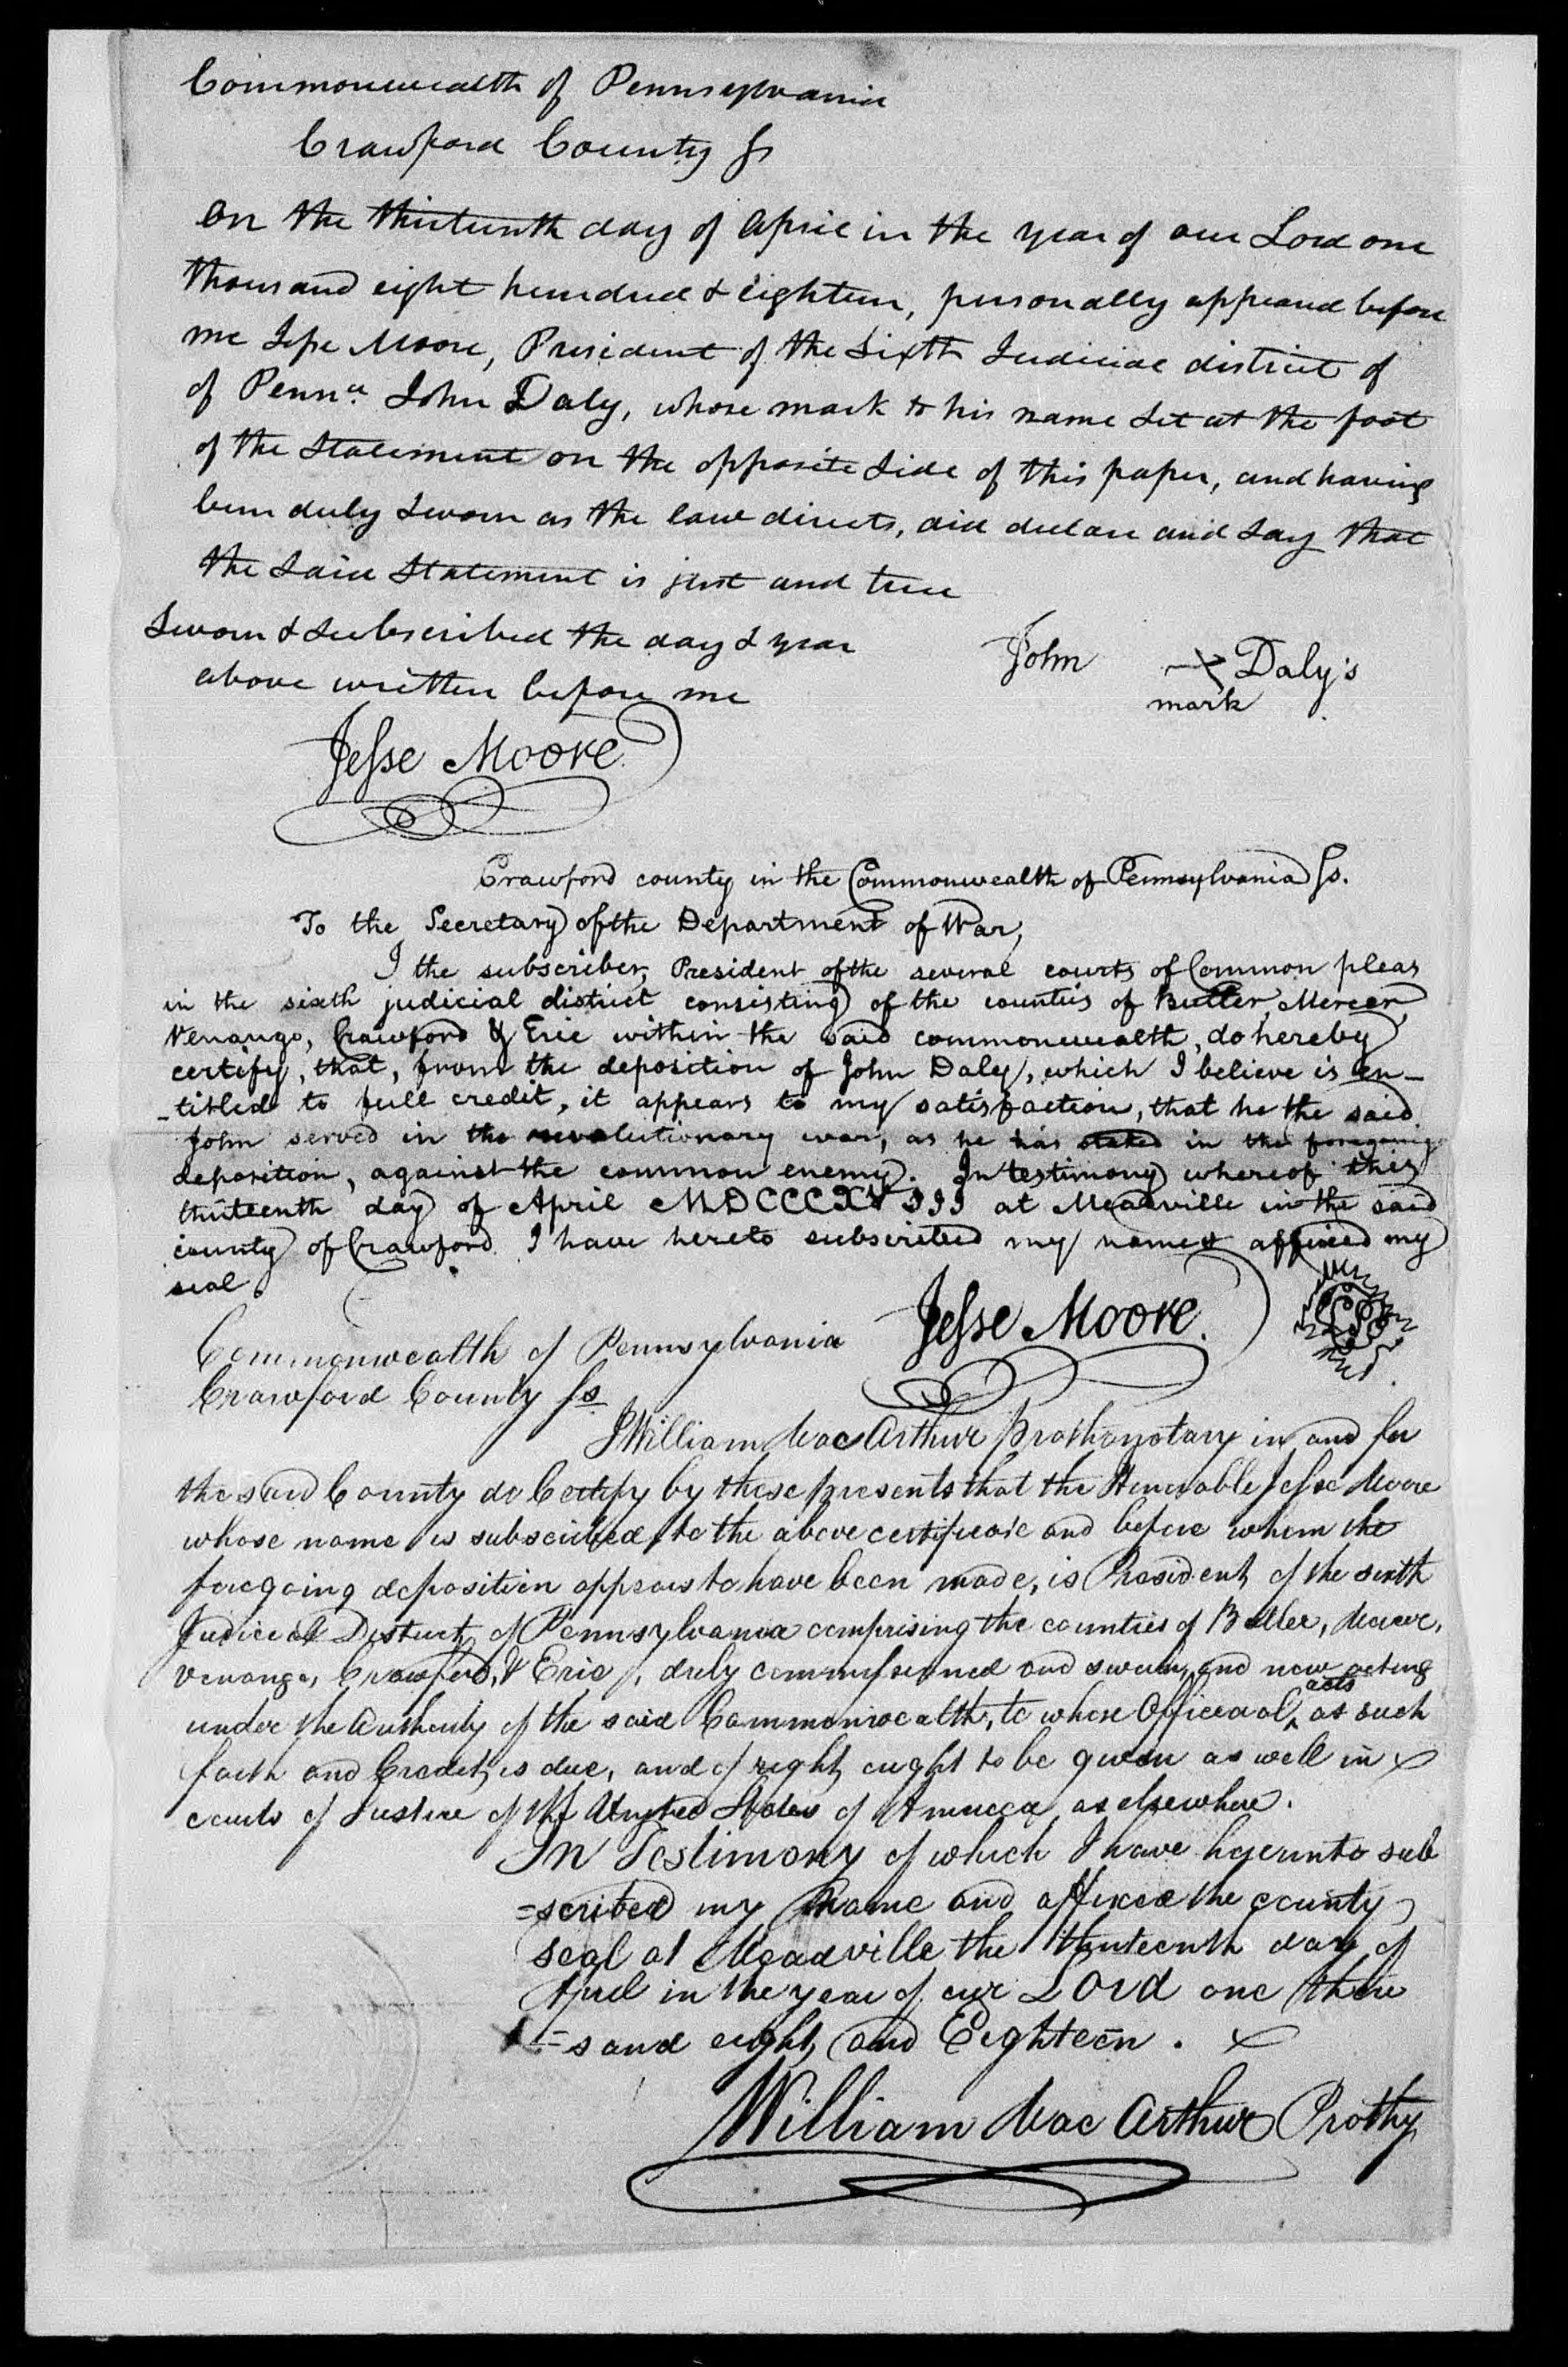Comonwealth of Pennsylvania
Crawford County
On the thirteenth day of April in the year of our Lord one thousand and eight hundred & eighteen, personally appeared before me Jesse Moore, President of the Sixth Judicial district of Penn. John Daly, whose mark to his name sat at the post of the statement on the opposite side of this paper, and having been duly sworn as the law directs, did declare and say that the said statement is just and true
Sworn & Subscribed the day & year
above written before me
{signed} Jesse Moore
{signed} John Daly X mark

{different handwriting}
Crawford county in the Commonwealth of Pennsylvania
To the Secretary of the Department of War, 
I the subscriber, President of the several courts of Common Pleas in the sixth judicial district consisting of the counties of Butler, Mercer, Venango, Crawford & Erie with the said commonwealth, do hereby certify, that, from the deposition of John Daly, which I believe is entitled to full credit, it appears to my satisfaction, that he the said John served in the revolutionary war, as he has in the foregonig deposition, against the common enemy. In testimony whereof this thirteenth day of April MDCCCXIII at Meadville in the said county of Crawford I have hereto subscribed my name and affixed my seal.
{signed} Jesse Moore
{hand drawn seal}

{different handwriting}
Commonwealth of Pennsylvania
Crawford County
I William MacArthur prothonotary in and for the said County do certify by these presents that the Honorable Jesse Moore whose name is subscribed to the above certificate and before him the foregonig deposition appears to have been made, is President of the sixth Judicial District of Pennsylvania comprising the counties of Butler, Mercer, Venango, Crawford & Erie, duly commissioned and sworn and now acting under the authority of the said Commonwealth, to whose official acts as such faith and credit is due, and of right ought to be  given as well in courts of justice of the United States of America as elsewhere.
In testimony of which I have hereunto subscribed my name and affixed the county seal at Meadville the thirteenth day, of April in the year of our Lord one thousand and eight and eighteen.
{signed} William MacArthur, Prothy.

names: John Daly, Jesse Moore, John Daly, Jesse Moore, William Mac Arthur, John Daly, William Mac Arthur, Jesse Moore, Jesse Moore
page: 4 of 63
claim: widow's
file: W. 3228, John Daly, Penn.